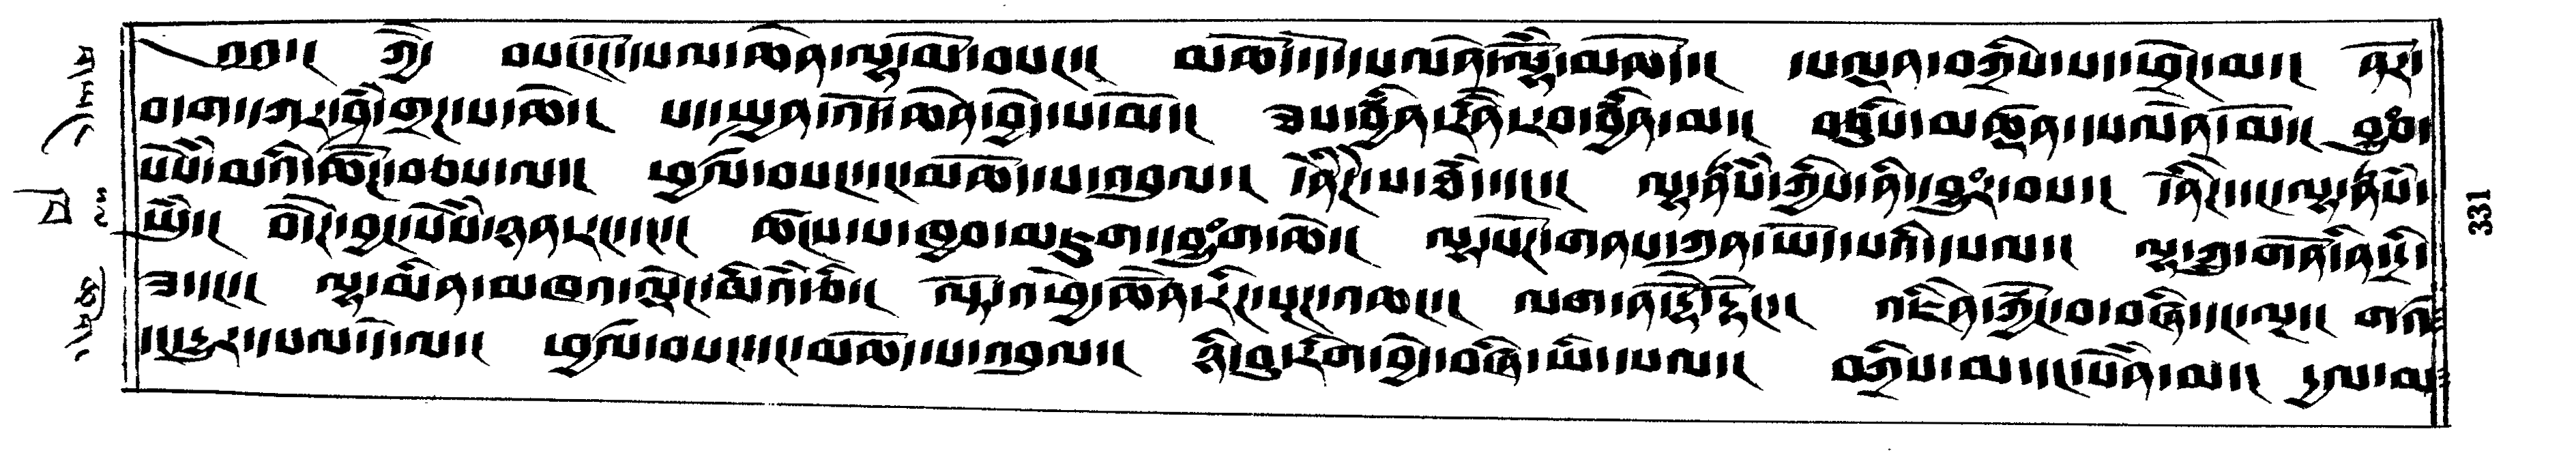ཀྱཻ། བསང་ངོ་དཔལ་ཆེན་ལྷ་མོ་བསང་། །མཆོད་དོ་དཔལ་ཆེན་ལྷ་མོ་མཆོད། །དཔལ་ལྡན་བཀྲ་ཤིས་པད་ཕྲེང་མ། །ནོར་
བདག་དཀར་ཤམ་གྲགས་པ་ཆེ། །པད་སྤྱན་འོད་ཆེན་བྱེད་པ་མོ། །ཟས་སྦྱིན་རིན་ཆེན་རབ་སྦྱིན་མ། བཅུ་ཉིས་མཚན་ལྡན་དཔལ་ཆེན་མོ། །བྱང་ཆུབ་
སེམས་མའི་ཚོགས་བཅས་ལ། །ཕྱག་འཚལ་བསང་དང་མཆོད་པ་འབུལ། །དེ་བཞིན་གཤེགས་པ་ཐམས་ཅད་དང་། །ལྷ་རྣམས་ཀྱིས་ནི་དབང་བསྐུར་བས། དེ་བཞིན་གཤེགས་དང་ལྷ་རྣམས་
ཡུམ། །བདེ་གཤེགས་བྱང་སེམས་ཉན་རང་དང་། །ཚངས་པ་ཁྱབ་མཇུག་དབང་ཕྱུག་ཆེ། །ལྷ་སོགས་གནས་ཀུན་ཡོད་པའི་དཔལ། །ལྷ་ཀླུ་གནོད་སྦྱིན་དྲི་
ཟ་དང་། །ལྷ་མིན་མཁའ་ལྡིང་མིའམ་ཅི། །ལྟོ་འཕྱེ་ཆེན་པོ་རིགས་སྔགས་འཆང་། །ལག་ན་རྡོ་རྗེ་རྡོ་རྗེ་འཆང་། །འཇིག་རྟེན་སྐྱོང་བ་བཞི་དང་ལྔ་།གཟའ་
དང་རྒྱུ་སྐར་དཔལ་དེ་ལ། ཕྱག་འཚལ་བསང་དང་མཆོད་པ་འབུལ། །ཉི་བུ་རིག་བྱེད་བཞི་ཡི་དཔལ། །བཀྲ་ཤིས་མ་དང་སེམས་ཅན་མ། །རྒྱལ་མ་